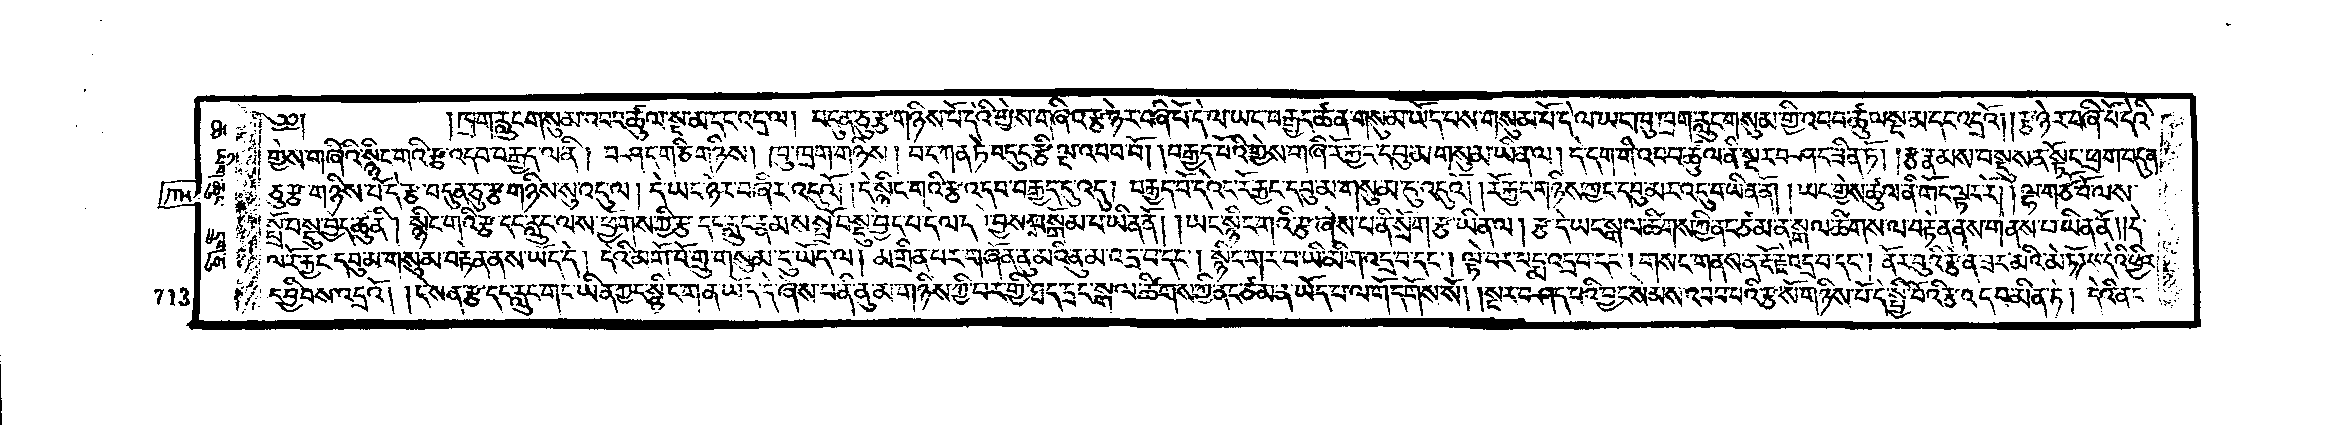༄༅། །ཁྲག་རླུང་གསུམ་འབབ་ཚུལ་སྔ་མ་དང་འདྲ་ལ། བདུན་ཅུ་རྩ་གཉིས་པོ་དེའི་གྱེས་གཞིའི་རྩ་ཉེར་བཞི་པོ་དེ་ལ་ཡང་བརྒྱད་ཚན་གསུམ་ཡོད་པས་གསུམ་པོ་དེ་ལ་ཡང་ཁུ་ཁྲག་རླུང་གསུམ་གྱི་འབབ་ཚུལ་སྔ་མ་དང་འདྲའོ། །རྩ་ཉེར་བཞི་པོ་དེའི་
གྱེས་གཞིའི་སྙིང་གའི་རྩ་འདབ་བརྒྱད་ལ་ནི། བཤད་གཅི་གཉིས། ཁུ་ཁྲག་གཉིས། བད་ཀན་ཏེ་བདུད་རྩི་ལྔ་འབབ་བོ། །བརྒྱད་པོའི་གྱེས་གཞི་རོ་རྐྱང་དབུ་མ་གསུམ་ཡིན་ལ། དེ་དག་གི་འབབ་ཚུལ་ནི་སྔར་བཤད་ཟིན་ཏོ། །རྩ་རྣམས་བསྡུས་ན་སྟོང་ཕྲག་བདུན་
ཅུ་རྩ་གཉིས་པོ་དེ་རྩ་བདུན་ཅུ་རྩ་གཉིས་སུ་འདུ་ལ། དེ་ཡང་ཉེར་བཞིར་འདུའོ། །དེ་སྙིང་གའི་རྩ་འདབ་བརྒྱད་དུ་འདུ། བརྒྱད་བོ་དེའང་རོ་རྐྱང་དབུ་མ་གསུམ་དུ་འདུའོ། །རོ་རྐྱང་གཉིས་ཀྱང་དབུ་མར་འདུ་བ་ཡིན་ནོ། །ཡང་གྱེས་ཚུལ་ནི་གོང་ལྟར་རོ། །ལྷ་གཙོ་བོ་ལས་
སྤྲོ་བསྡུ་བྱེད་ཚུ་ནི། སྙིང་གའི་རྩ་དང་རླུང་ལས་ཕྱོགས་ཀྱི་རྩ་དང་རླུང་རྣམས་སྤྲོ་བསྡུ་བྱེད་པ་དེ་ལ་དཔེ་བྱས་པ་བསྒོམ་པ་ཡིན་ནོ། །ཡང་སྙིང་གའི་རྩ་ཞེས་པ་ནི་སྲོག་རྩ་ཡིན་ལ། རྩ་དེ་ཡང་སྒལ་ཚིགས་ཀྱི་ནང་ཙམ་ན་སྒལ་ཚིགས་ལ་བརྟེན་ནས་གནས་པ་ཡིན་ནོ། །དེ་
ལ་རོ་རྐྱང་དབུ་མ་གསུམ་བརྟེན་ནས་ཡོད་དེ། དེའི་མགོ་བོ་གྲུ་གསུམ་དུ་ཡོད་ལ། མགྲིན་པར་གཞོན་ནུ་མའི་ནུ་མ་འདྲ་བ་དང་། སྙིང་གར་བ་ཡི་མིག་འདྲ་བ་དང་། ལྟེ་བར་པདམ་འདྲ་བ་དང་། གསང་གནས་ན་རྡོ་རྗེ་འདྲ་བ་དང་། ནོར་བུའི་རྩེ་ན་ཟར་མའི་མེ་ཏོཌ་དང་དེའི་ཕྱི་
དབྱིབས་འདྲའོ། །དེས་ན་རྩ་དང་རླུང་གང་ཡིན་ཀྱང་སྙིང་ག་ན་ཡོད་དེ་ཞེས་པ་ནི་ནུ་མ་གཉིས་ཀྱི་བར་གྱི་ཐད་དྲང་སྐལ་ཚིགས་ཀྱི་ནང་ཙམ་ན་ཡོད་པ་ལ་གོ་དགོས་སོ། །སྔར་བཤད་པའི་བྱང་སེམས་འབབ་པའི་རྩ་སོ་གཉིས་པོ་དེ་སྤྱི་བོའི་རྩ་འདབ་མིན་ཏེ། དེའི་ནང་